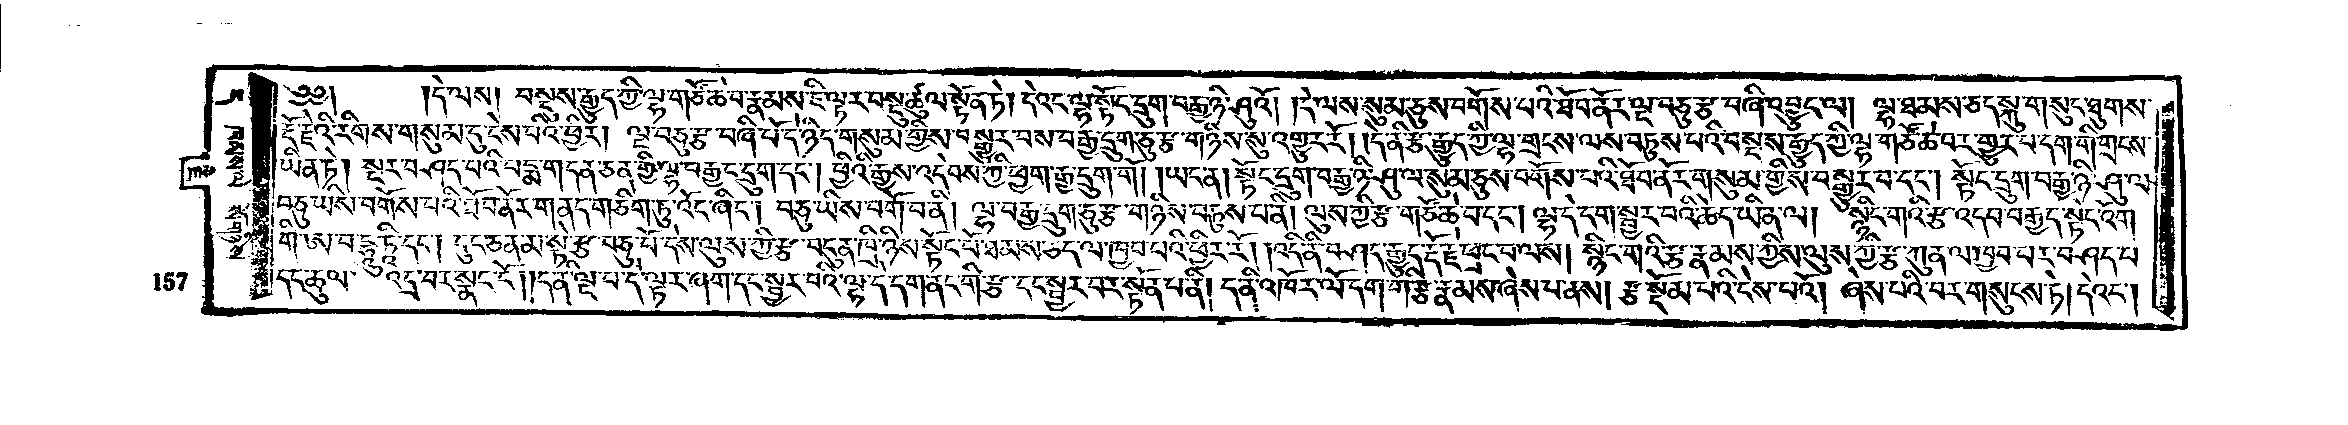༄༅། །དེ་ལས། བསྡུས་རྒྱུད་ཀྱི་ལྷ་གཙོ་ཆེ་བ་རྣམས་ཇི་ལྟར་བསྡུ་ཚུལ་སྟོན་ཏེ། དེའང་ལྷ་སྟོང་དྲུག་བརྒྱ་ཉི་ཤུའོ། །དེ་ལས་སུམ་ཅུས་བགོས་པའི་ཐོབ་ནོར་ལྔ་བཅུ་རྩ་བཞི་འབྱུང་ལ། ལྷ་ཐམས་ཅད་སྐུ་གསུང་ཐུགས་
རྡོ་རྗེའི་རིགས་གསུམ་དུ་ངེས་པའི་ཕྱིར། ལྔ་བཅུ་རྩ་བཞི་པོ་དེ་ཉིད་གསུམ་གྱིས་བསྒྱུར་བས་བརྒྱ་དྲུག་ཅུ་རྩ་གཉིས་སུ་འགྱུར་རོ། །དེ་ནི་རྩ་རྒྱུད་ཀྱི་ལྷ་གྲངས་ལས་བཏུས་པའི་བསྡས་རྒྱུད་ཀྱི་ལྷ་གཙོ་ཆེ་བར་གྱུར་པ་དག་གི་གྲངས་
ཡིན་ཏེ། སྔར་བཤད་པའི་པདམ་གདན་ཅན་གྱི་ལྷ་བརྒྱ་ང་དྲུག་དང་། ཕྱིའི་རྒྱས་འདེབས་ཀྱི་ཕྱག་རྒྱ་དྲུག་གོ། །ཡང་ན། སྟོང་དྲུག་བརྒྱ་ཉི་ཤུ་ལ་སུམ་ཅུས་བགོས་པའི་ཐོབ་ནོར་གསུམ་གྱིས་བསྒྱུར་བ་དང་། སྟོང་དྲུག་བརྒྱ་ཉི་ཤུ་ལ་
བཅུ་ཡིས་བགོས་པའི་ཐོབ་ནོར་གནད་གཅིག་ཏུ་འོང་ཞིང་། བཅུ་ཡིས་བགོ་བ་ནི། ལྷ་བརྒྱ་དྲུག་ཅུ་རྩ་གཉིས་བཏུས་པ་ནི། ལུས་ཀྱི་རྩ་གཙོ་ཆེ་བ་དང་། ལྷ་དེ་དག་སྦྱར་བའི་ཆེད་ཡིན་ལ། སྙིང་གའི་རྩ་འདབ་བརྒྱད་སྟེང་འོག་
གི་ཨ་བ་དྷཱུ་ཏཱི་དང་། དུང་ཅན་མ་སྟེ་རྩ་བཅུ་པོ་དེས་ལུས་ཀྱི་རྩ་བདུན་ཁྲི་ཉིས་སྟོང་པོ་ཐམས་ཅད་ལ་ཁྱབ་པའི་ཕྱིར་རོ། །འདི་ནི་བཤད་རྒྱུད་རྡོ་རྗེ་ཕྲེང་བ་ལས། སྙིང་གའི་རྩ་རྣམས་ཀྱིས་ལུས་ཀྱི་རྩ་ཀུན་ལ་ཁྱབ་པར་བཤད་པ་
དང་ཚུལ་འདྲ་བར་སྣང་ངོ། །ད་ནི་ལྔ་པ་དེ་ལྟར་ཞག་དང་སྦྱར་བའི་ལྷ་དེ་དག་ནང་གི་རྩ་དང་སྦྱར་བར་སྟོན་པ་ནི། ད་ནི་འཁོར་ལོ་དག་གི་རྩ་རྣམས་ཞེས་པ་ནས། རྩ་སྡོམ་པའི་ངེས་པའོ། ཞེས་པའི་བར་གསུངས་ཏེ། དེའང་།